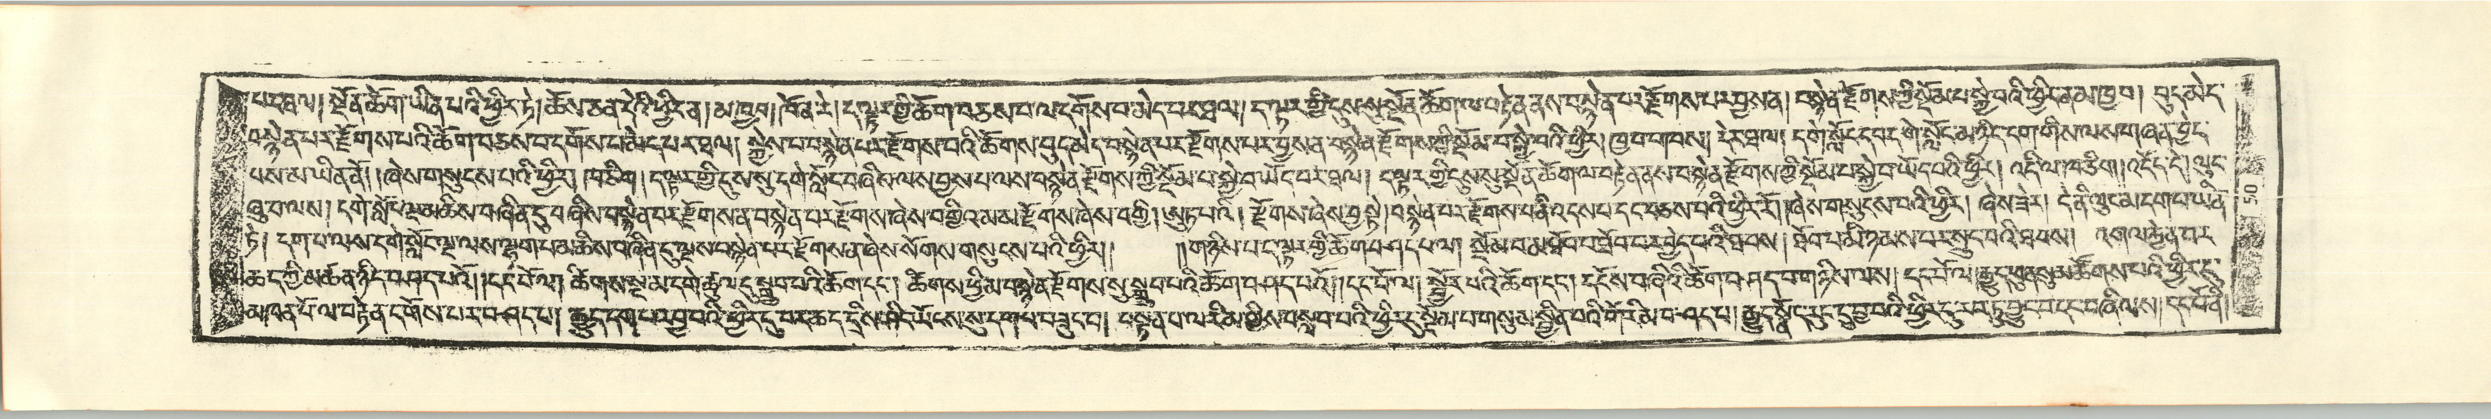་ཨར་ཐལ། སྔོན་ཆོག་ཡིན་པའི་ཕྱིར་ཏེ། ཆོས་ཅན་དེའི་ཕྱིར་ན། མ་ཁྱབ། ཁོ་ན་རེ། ད་ལྟར་གྱི་ཆོག་བཅས་པ་ལ་དགོས་པ་མེད་པར་ཐལ། ད་ལྟར་གྱི་དུས་སུ་སྔོན་ཆོག་ལ་བརྟེན་ནས་བསྙེན་པར་རྫོགས་པར་བྱས་ན། བསྙེན་རྫོགས་ཀྱི་སྡོམ་པ་སྐྱེ་བའི་ཕྱིར་ན་མ་ཁྱབ། བུད་མེད་
བསྙེན་པར་རྫོགས་པའི་ཆོག་བཅས་བ་དགོས་པ་མེད་པར་ཐལ། སྐྱེས་པ་བསྙེན་པར་རྫོགས་པའི་ཆོ་གས་བུད་མེད་བསྙེན་པར་རྫོགས་པར་བྱས་ན་བསྙེན་རྫོགས་ཀྱི་སྡོམ་པ་སྐྱེ་བའི་ཕྱིར། ཁྱབ་པ་ཁས། དེར་ཐལ། དགེ་སློང་དང་དགེ་སློང་མ་ཉིད་དག་གིས་ལས་གཞན་བྱེད་
པས་མ་ཡིན་ནོ། །ཞེས་གསུངས་པའི་ཕྱིར། ཁ་ཅིག །ད་ལྟར་གྱི་དུས་སུ་དགེ་སློང་བཞིས་ལས་བྱས་པ་ལས་བསྙེན་རྫོགས་ཀྱི་སྡོམ་པ་སྐྱེ་བ་ཡོད་པར་ཐལ། ད་ལྟར་གྱི་དུས་སུ་སྡོམ་ཆོག་ལ་བརྟེན་ནས་བསྙེན་རྫོགས་ཀྱི་སྡོམ་པ་སྐྱེ་བ་ཡོད་པའི་ཕྱིར། འདི་ལ་ཁ་ཅིག་འདོད་དེ། ལུང་
ཞུ་བ་ལས། དགེ་སློང་ལྔ་མ་ཆིས་བཞིན་དུ་བཞིས་བསྙེན་པར་རྫོགས་ན་བསྙེན་པར་རྫོགས་ཞེས་བ་གྱིའམ་མ་རྫོགས་ཞེས་བགྱི། ཨུཊ་པའི། རྫོགས་ཞེས་བྱ་སྟེ། བསྙེན་པར་རྫོགས་པ་ནི་འདས་པ་དང་བཅས་པའི་ཕྱིར་རོ། །ཞེས་གསུངས་པའི་ཕྱིར། ཞེས་ཟེར། དེ་ནི་ལུང་མདག་པ་ཡིན་
ཏེ༑ དག་པ་ལས་དགེ་སློང་ལྔ་ལས་ལྷག་པ་མཆིས་བཞིན་དུ་ལྔས་བསྙེན་པར་རྫོགས་ན་ཞེས་སོགས་གསུངས་པའི་ཕྱིར།། །།གཉིས་པ་ད་ལྟར་གྱི་ཆོ་ག་བཤད་པ་ལ། སྡོམ་པ་མ་ཐོབ་པ་ཐོབ་པར་བྱེད་པའི་ཐབས། ཐོབ་པ་མི་ཉམས་པར་སྲུང་བའི་ཐབས། འགལ་རྐྱེན་བར་
ཆད་ཀྱི་མཚན་ཉིད་བཤད་པའོ། །དང་པོ་ལ། ཚིགས་སྔ་མ་དགེ་ཚུལ་དུ་སྒྲུབ་པའི་ཆོ་ག་དང་། ཚིགས་ཕྱི་མ་བསྙེན་རྫོགས་སུ་སྒྲུབ་པའི་ཆོ་ག་བཤད་པའོ། །དང་པོ་ལ། སྦྱོར་བའི་ཆོག་དང་། དངོས་བཞིའི་ཆོ་ག་བཤད་པ་གཉིས་ལས། དང་པོ་ལ། རྒྱུད་ཕུན་སུམ་ཚོགས་པའི་ཕྱིར་དུ་
མཁན་པོ་ལ་བརྟེན་དགོས་པར་བཤད་པ། རྒྱུད་དག་པར་བྱ་བའི་ཕྱིར་དུ་བར་ཆད་དྲིས་ཤིང་ཡོངས་སུ་དག་པ་བཟུང་བ། བསྟན་པ་ལ་རིམ་གྱིས་བསླབ་པའི་ཕྱིར་དུ་སྡོམ་པ་གསུམ་སྦྱིན་པའི་གོ་རིམ་བཤ༢༩ད་པ། རྒྱུད་སྣོད་རུང་དུ་བྱ་བའི་ཕྱིར་དུ་རབ་ཏུ་བྱུང་བ་དང་བཞི་ལས། དང་པོ་ནི།